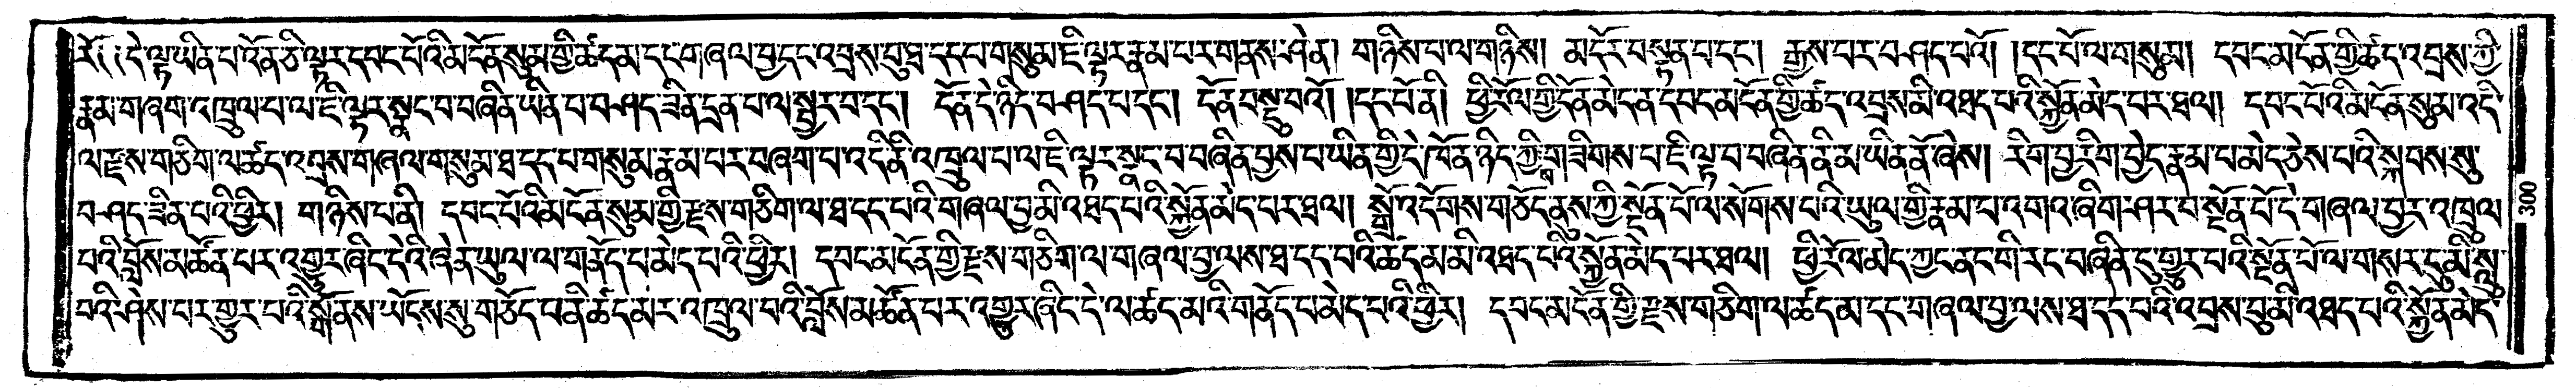རོ། །དེ་ལྟ་ཡིན་པ་འོ་ན་ཅི་ལྟར་དབང་པོའི་མངོན་སུམ་གྱི་ཚད་མ་དང་གཞལ་བྱ་དང་འབྲས་བུ་ཐ་དད་པ་གསུམ་ཇི་ལྟར་རྣམ་པར་གནས་ཤེ་ན། གཉིས་པ་ལ་གཉིས། མདོར་བསྟན་པ་དང་། རྒྱས་པར་བཤད་པའོ། །དང་པོ་ལ་གསུམ། དབང་མངོན་གྱི་ཚད་འབྲས་ཀྱི་
རྣམ་གཞག་འཁྲུལ་པ་ལ་ཇི་ལྟར་སྣང་བ་བཞིན་ཡིན་པ་བཤད་ཟིན་དྲན་པ་ལ་སྦྱར་བ་དང་། དོན་དེ་ཉིད་བཤད་པ་དང་། དོན་བསྡུ་བའོ། །དང་པོ་ནི། ཕྱི་རོལ་གྱི་དོན་མེད་ན་དབང་མངོན་གྱི་ཚད་འབྲས་མི་འཐད་པའི་སྐྱོན་མེད་པར་ཐལ། དབང་པོའི་མངོན་སུམ་འདི་
ལ་རྫས་གཅིག་ལ་ཚད་འབྲས་གཞལ་གསུམ་ཐ་དད་པ་གསུམ་རྣམ་པར་བཞག་པ་འདི་ནི་འཁྲུལ་པ་ལ་ཇི་ལྟར་སྣང་བ་བཞིན་བྱས་པ་ཡིན་གྱི་དེ་ཁོ་ན་ཉིད་ཀྱིས་གཟིགས་པ་ཇི་ལྟ་བ་བཞིན་ནི་མ་ཡིན་ནོ་ཞེས། རིག་བྱ་རིག་བྱེད་རྣམ་པ་མེད་ཅེས་པའི་སྐབས་སུ་
བཤད་ཟིན་པའི་ཕྱིར། གཉིས་པ་ནི། དབང་པོའི་མངོན་སུམ་གྱི་རྫས་གཅིག་ལ་ཐ་དད་པའི་གཞལ་བྱ་མི་འཐད་པའི་སྐྱོན་མེད་པར་ཐལ། སྒྲོ་འདོགས་གཅོད་ནུས་ཀྱི་སྔོན་པོ་ལ་སོགས་པའི་ཡུལ་གྱི་རྣམ་པ་འགའ་ཞིག་ཤར་བ་སྔོན་པོ་དེ་གཞལ་བྱར་འཁྲུལ་
པའི་བློས་མཚོན་པར་འགྱུར་ཞིང་དེའི་ཞེན་ཡུལ་ལ་གནོད་པ་མེད་པའི་ཕྱིར། དབང་མངོན་གྱི་རྫས་གཅིག་ལ་གཞལ་བྱ་ལས་ཐ་དད་པའི་ཚད་མ་མི་འཐད་པའི་སྐྱོན་མེད་པར་ཐལ། ཕྱི་རོལ་མེད་ཀྱང་ནང་གི་རང་བཞིན་དུ་གྱུར་པའི་སྔོན་པོ་ལ་གསར་དུ་མི་སླུ་
བའི་ཤེས་པར་གྱུར་པའི་སྒོ་ནས་ཡོངས་སུ་གཅོད་པ་ནི་ཚད་མར་འཁྲུལ་བའི་བློས་མཚོན་པར་འགྱུར་ཞིང་དེ་ལ་ཚད་མའི་གནོད་པ་མེད་པའི་ཕྱིར། དབང་མངོན་གྱི་རྫས་གཅིག་ལ་ཚད་མ་དང་གཞལ་བྱ་ལས་ཐ་དད་པའི་འབྲས་བུ་མི་འཐད་པའི་སྐྱོན་མེད་